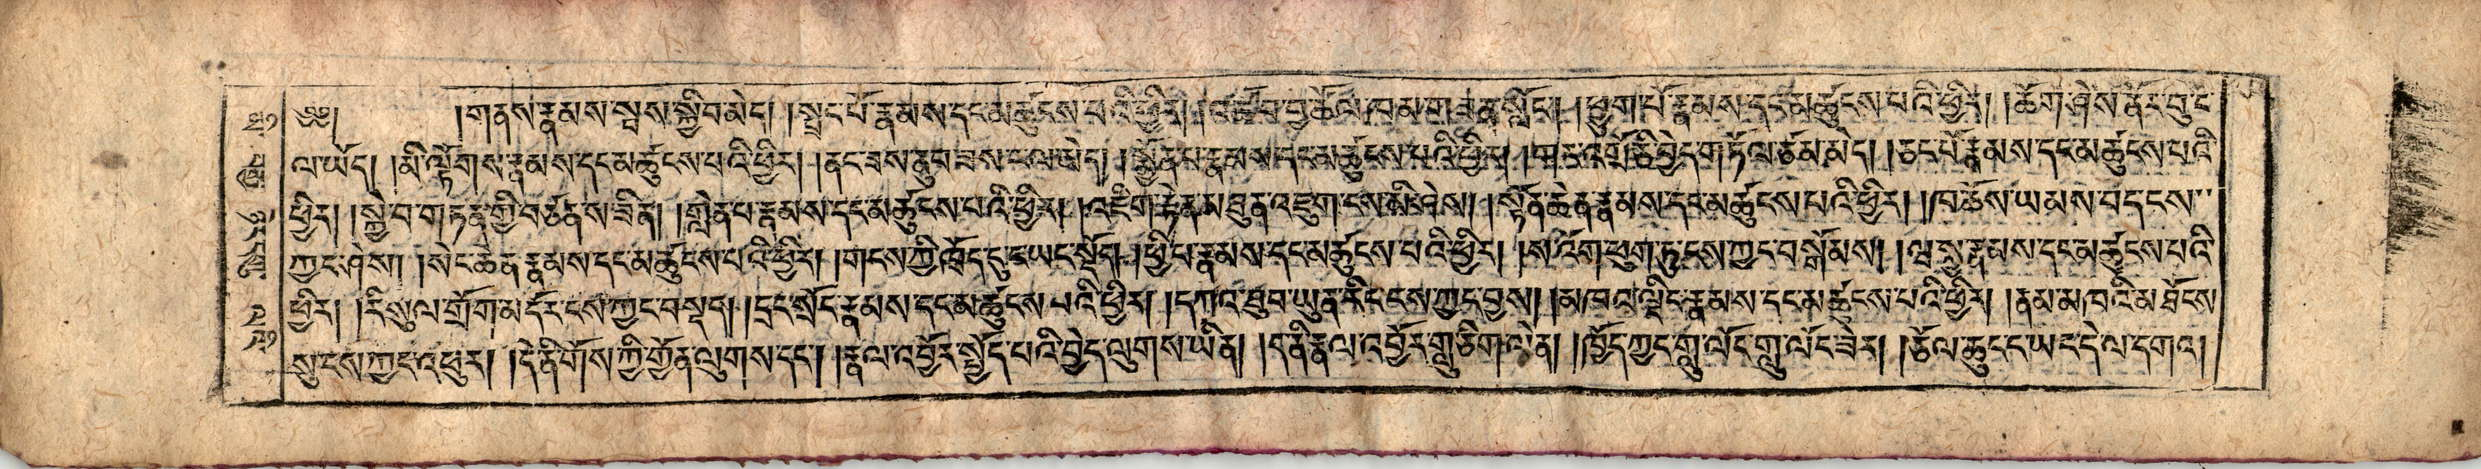གནས་རྣམས་སྤས་སྐྱིབ་མེད། །སྤྲང་པོ་རྣམས་དང་མཚུངས་པའི་ཕྱིར། །འཚོ་བ་བྱ་ཚོལ་ཁམ་གཟན་སློང་། །ཕྱུག་པོ་རྣམས་དང་མཚུངས་པའི་ཕྱིར། །ཆོག་ཤེས་ནོར་བུ་ང་
ལ་ཡོད། །མི་ལྟོགས་རྣམས་དང་མཚུངས་པའི་ཕྱིར། །ནང་ཟས་ནུབ་ཟས་ང་ལ་མེད། །སྨྱོན་པ་རྣམས་དང་མཚུངས་པའི་ཕྱིར། །གར་འགྲོ་ཅི་བྱེད་གཏོལ་ཙམ་མེད། །སྤྱང་པོ་རྣམས་དང་མཚུངས་པའི་
ཕྱིར། །སྐྱེ་བ་གཏན་གྱི་བཙན་ས་ཟིན། །གླེན་པ་རྣམས་དང་མཚུངས་པའི་ཕྱིར། །འཇིག་རྟེན་མཐུན་འཇུག་ངས་མི་ཤེས། །སྟོན་ཆེན་རྣམས་དང་མཚུངས་པའི་ཕྱིར། །ཁ་ཆོས་ཡམས་བདངས་་
ཀྱང་ཤེས། །སེང་ཆེན་རྣམས་དང་མཚུངས་པའི་ཕྱིར། །གངས་ཀྱི་ཁྲོད་དུ་ང་ཡང་སྡོད། །ཕྱི་བ་རྣམས་དང་མཚུངས་པའི་ཕྱིར། །ས་འོག་ཕུག་ཏུ་ངས་ཀྱང་བསྒོམས། །ཝ་སྐྱ་རྣམས་དང་མཚུངས་པའི་
ཕྱིར། །རི་སུལ་གྲོག་མདོར་ངས་ཀྱང་བསྡད། །དྲང་སྲོང་རྣམས་དང་མཚུངས་པའི་ཕྱིར། །དཀའ་ཐུབ་ཡུན་རིང་ངས་ཀྱང་བྱས། །མཁའ་ལྡིང་རྣམས་དང་མཚུངས་པའི་ཕྱིར། །ནམ་མཁའི་མཐོངས་
སུ་ངས་ཀྱང་འཕུར། །དེ་ནི་གོས་ཀྱི་གྱོན་ལུགས་དང་། །རྣལ་འབྱོར་སྤྱོད་པའི་བྱེད་ལུགས་ཡིན། །ད་ནི་རྣལ་འབྱོར་གླུ་ཅིག་ལེན། །ཁྱོད་ཀྱང་གླུ་ལོང་གླུ་ལོང་ཟེར། །ཅོལ་ཆུང་ང་ཡང་དེ་ལ་དགའ། །